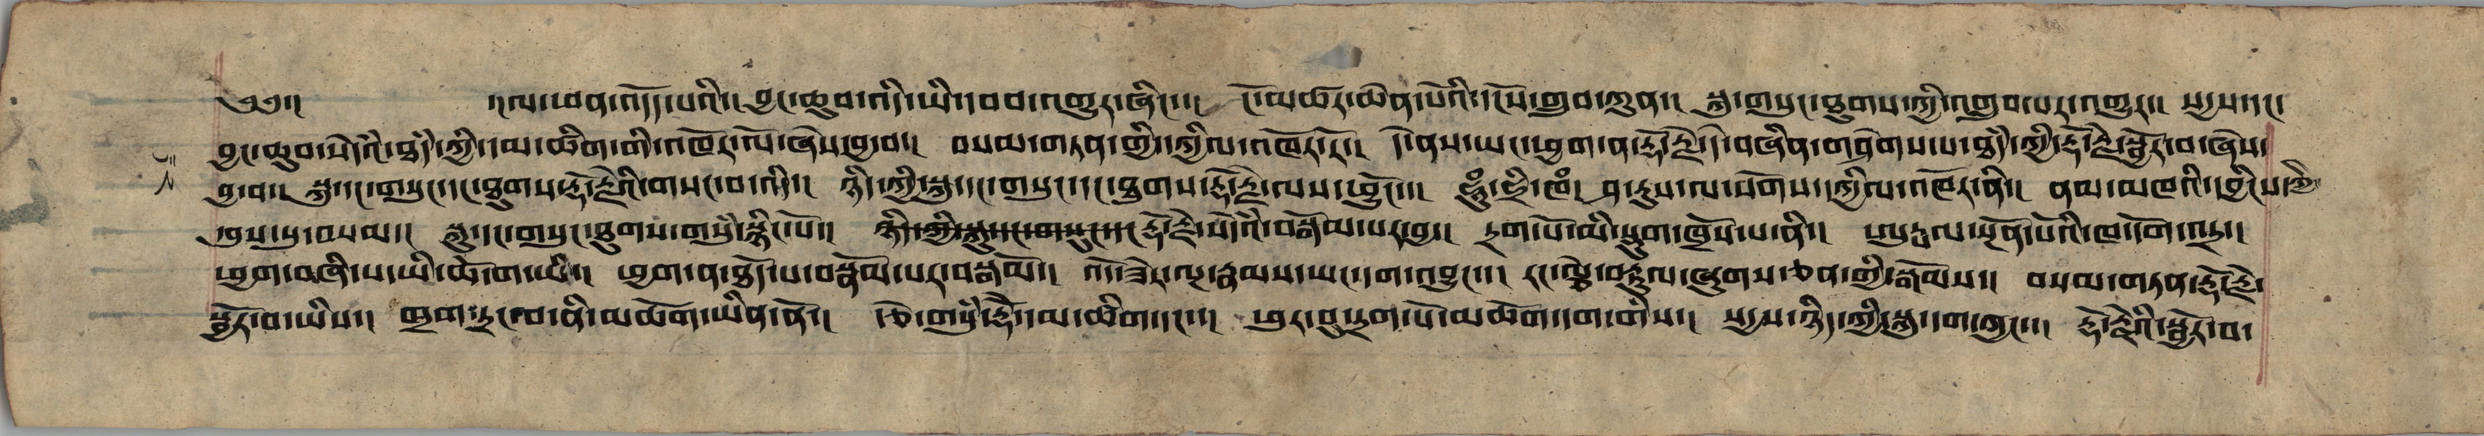༄༅་། ་།ལ་ཕན་འདོད་པའི་བྱང་ཆུབ་འདི་ཡི་དབབ་འགྱུར་ཞིང་་། ངོ་མཚར་ཆེན་པོའི་དངོས་གྲུབ་ཀུན་། སྐུ་གསུང་ཐུགས་ཀྱི་འགྲུབ་པར་འགྱུར་། སདྱས་དང་་
བྱང་ཆུབ་སེདཾའ་ཐཾད་ཀྱི་དམ་ཚིག་གི་འཁོར་ལོ་ཞེས་བྱ་བ་། བསམ་གཏན་གྱི་དཀྱིལ་འཁོར་རོ་། དེ་ནས་ཡང་ཕྱག་ན་རྡོ་རྗེ་དེ་བཞིན་གཤེགས་པ་ཐཾད་ཀྱི་རྡོ་རྗེ་སྦྱོར་བ་ཞེས་
བྱ་བ་། སྐུ་དང་གསུང་དང་ཐུགས་རྡོ་རྗེའི་གསང་བ་འདི་། ཉིད་ཀྱི་སྐུ་དང་གསུང་དང་ཐུགས་རྡོ་རྗེ་ལས་ཕྱུངོ་་། ཧཱུཾ་ཧྲི་ཁཾ། ཤ་རུས་ལ་སོགས་དཀྱིལ་འཁོར་ནི་། ནམ་མཁའི་དབྱིངས་ཀྱི
དབུས་སུ་བསམ་། སྐུ་དང་གསུང་ཐུགས་གསུཾ་སྙིང་པོ་། ཉིད་ཀྱི་སྐུ་དང་གསུང་དང རྡོ་རྗེ་སེདའཾ་བསྒོམ་པར་བྱ་། དྲག་པོ་མི་སྡུག་ཁྲོས་པ་ནི་། ཨུཏྤལ་སྔོན་པོའི་ཁ་དོག་འདྲ་།
ཕྱག་བཞི་པ་ཡི་ཆོ་ག་ཡི་། ཕྱག་ན་ཐོད་པ་བསྣོམ་པར་བསྒོམ་། འོད་ཟེར་ལྔ་རྣམས་ཡང་དག་འབྱུང་་། རང་ལྕེ་བརྟུལ་ཞུགས་ཅན་གྱི་སྒོམས་། བསམ་གཏན་རྡོ་རྗེ་
སྦྱོར་བ་ཡིས་། ཁྲག་དྲང་བ་ནི་མཆོག་ཡིན་ནོ་། རྩེ་གསུཾ་རྡོེ་དམ་ཚིག་དང་་། ཕུར་བུ་དྲག་པོ་མཆོག་དག་གིས་། སདྱས་ཉིད་ཀྱི་སྐུ་དག་ཀྱང་་། རྡོ་རྗེའི་སྦྱོར་བ་